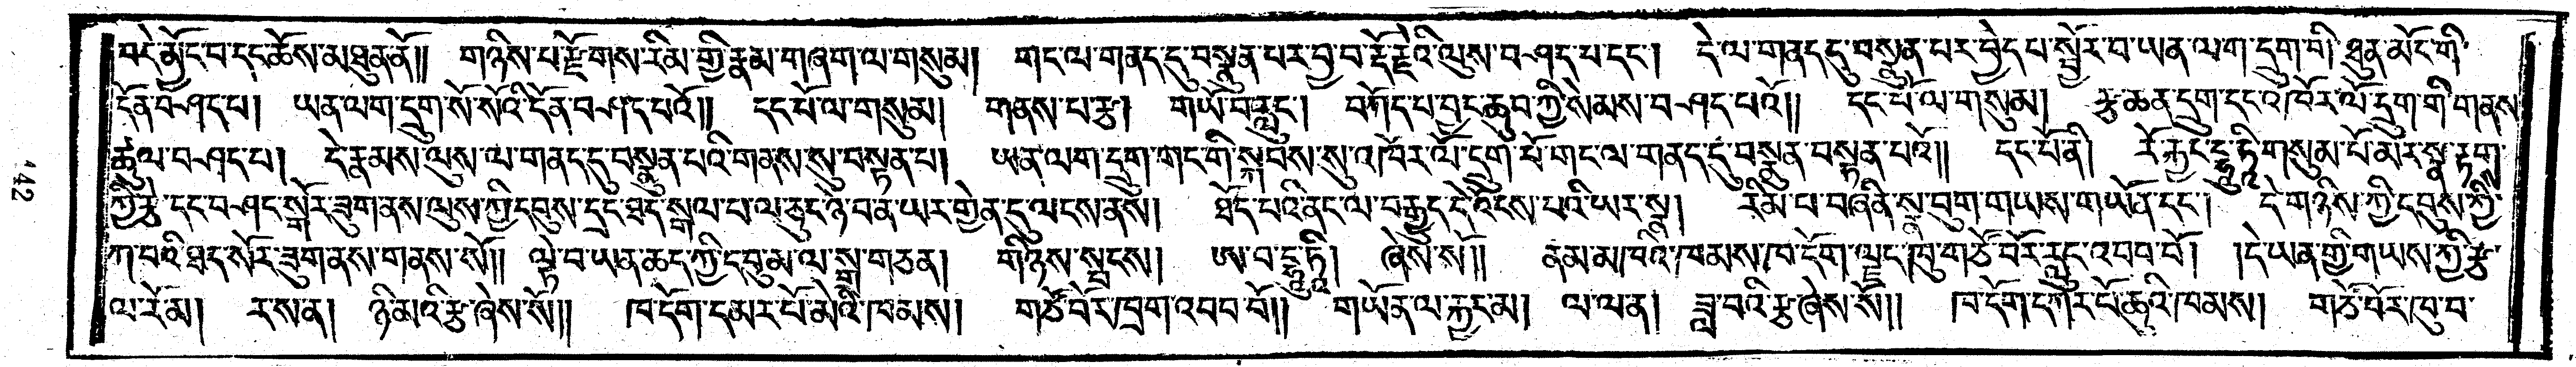བདེ་མྱོང་བ་དང་ཆོས་མཐུན་ནོ།། གཉིས་པ་རྫོགས་རིམ་གྱི་རྣམ་གཞག་ལ་གསུམ། གང་ལ་གནད་དུ་བསྣུན་པར་བྱ་བ་རྡོ་རྗེའི་ལུས་བཤད་པ་དང་། དེ་ལ་གནད་དུ་བསྣུན་པར་བྱེད་པ་སྦྱོར་བ་ཡན་ལག་དྲུག་གི་ཐུན་མོང་གི་
དོན་བཤད་པ། ཡན་ལག་དྲུག་སོ་སོའི་དོན་བཤད་པའོ།། དང་པོ་ལ་གསུམ། གནས་པ་རྩ། གཡོ་བ་རླུང་། བཀོད་པ་བྱང་ཆུབ་ཀྱི་སེམས་བཤད་པའོ།། དང་པོ་ལ་གསུམ། རྩ་ཆན་དྲུག་དང་འཁོར་ལོ་དྲུག་གི་གནས་
ཚུལ་བཤད་པ། དེ་རྣམས་ལུས་ལ་གནད་དུ་བསྣུན་པའི་གནས་སུ་བསྟན་པ། ཡན་ལག་དྲུག་གང་གི་སྐབས་སུ་འཁོར་ལོ་དྲུག་པོ་གང་ལ་གནད་དུ་བསྣུན་བསྟན་པའོ།། དང་པོ་ནི། རོ་རྐྱང་དྷཱུ་ཏཱི་གསུམ་པོ་མར་སྣ་རྟགས་
ཀྱི་རྩེ་དང་བཤད་སྒོར་ཟུག་ནས་ལུས་ཀྱི་དབུས་དྲང་ཐད་སྒལ་པ་ལ་ཅུང་ཉེ་བ་ན་ཡར་གྱེན་དུ་ལངས་ནས། ཐོད་པའི་ནང་ལ་བརྒྱུད་དེ་འོངས་པའི་ཡར་སྣ། རིམ་པ་བཞིན་སྣ་བུག་གཡས་གཡོན་དང་། དེ་གཉིས་ཀྱི་དབུས་ཀྱི་
ཀ་བའི་ཐད་སོར་ཟུག་ནས་གནས་སོ།། ལྟེ་བ་ཡན་ཆད་ཀྱི་དབུ་མ་ལ་སྒྲ་གཅན། གཉིས་སྤངས། ཨ་བ་དྷཱུ་ཏཱི། ཞེས་སོ།། ནམ་མཁའི་ཁམས་ཁ་དོག་ལྗང་ཁུ་གཙོ་བོར་རླུང་འབབ་བོ། །དེ་ཡན་གྱི་གཡས་ཀྱི་རྩ་
ལ་རོ་མ། ར་ས་ན། ཉི་མའི་རྩ་ཞེས་སོ།། ཁ་དོག་དམར་པོ་མེའི་ཁམས། གཙོ་བོར་ཁྲག་འབབ་བོ།། གཡོན་ལ་རྐྱང་མ། ལ་ལན། ཟླ་བའི་རྩ་ཞེས་སོ།། ཁ་དོག་དཀར་པོ་ཆུའི་ཁམས། གཙོ་བོར་ཁུ་བ་